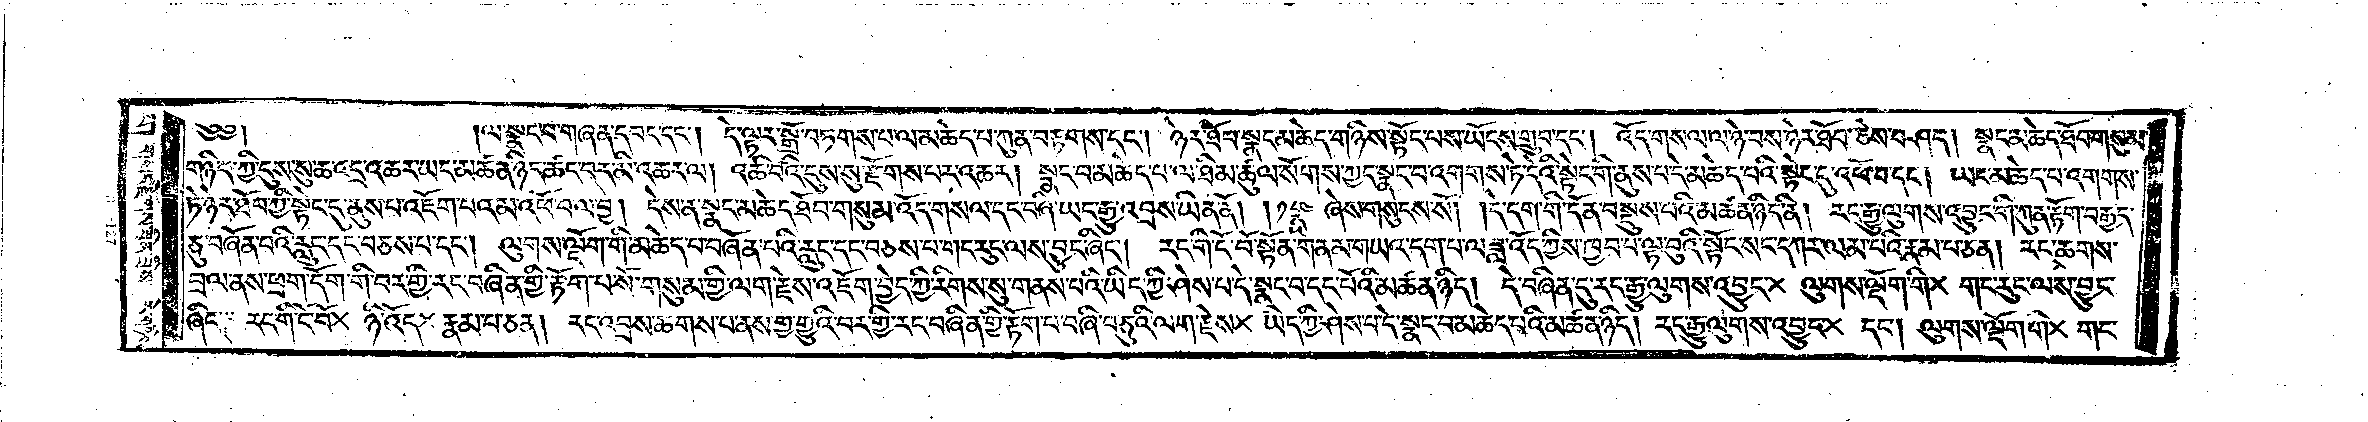༄༅། །ལ་སྣང་བ་གཞན་དབང་དང་། དེ་ལྟར་སྒྲོ་བཏགས་པ་ལ་མཆོད་པ་ཀུན་བརྟགས་དང་། ཉེར་ཐོབ་སྣང་མཆོད་གཉིས་སྟོང་པས་ཡོངས་གྲུབ་དང་། འོད་གསལ་ལ་ཉེ་བས་ཉེར་ཐོབ་ཅེས་བཤད། སྣང་མཆེད་ཐོབ་གསུམ་
གཉིད་ཀྱི་དུས་གསུམ་ཆ་འདྲ་འཆར་ཡང་མཚན་ཉིད་ཚང་བར་མི་འཆར་ལ། འཆི་བའི་དུས་སུ་རྫོགས་པར་འཆར། སྣང་བ་མཆོད་པ་ལ་ཐིམ་ཚུལ་སོགས་ཀྱང་སྣང་བ་འགགས་ཏེ་དེའི་སྟེང་གི་ནུས་པ་དེ་མཆེད་པའི་སྟེང་དུ་འཕོ་བ་དང་། ཡང་མཆེད་པ་འགགས་
ཏེ་ཉེར་ཐོབ་ཀྱི་སྟེང་དུ་ནུས་པ་འཇོག་པའམ་འཕོ་བ་ལ་བྱ། དེས་ན་སྣང་མཆེད་ཐོབ་གསུམ་འོད་གསལ་དང་བཞི་ཡང་བརྒྱུ་འབྲས་ཡིན་ནོ། །༡༨ན༥༤་ཞེས་གསུངས་སོ། །དེ་དག་གི་དོན་བསྡུས་པའི་མཚན་ཉིད་ནི། རང་རྒྱུ་ལུགས་འབྱུང་གི་ཀུན་རྟོག་བརྒྱད་
ཅུ་བཞོན་པའི་རླུང་དང་བཅས་པ་དང་། ལུགས་ལྡོག་གི་མཆེད་པ་བཞོན་པའི་རླུང་དང་བཅས་པ་གང་རུང་ལས་བྱུང་ཞིང་། རང་གི་ངོ་བོ་སྟོན་གནམ་གཡའ་དག་པ་ལ་ཟླ་འོད་ཀྱིས་ཁྱབ་པ་ལྟ་བུའི་སྟོང་སང་དཀར་ལམ་པའི་རྣམ་པ་ཅན། རང་ཆགས་
བྲལ་ནས་ཕྲག་དོག་གི་བར་གྱི་རང་བཞིན་གྱི་རྟོག་པ་སོ་གསུམ་གྱི་ལག་རྗེས་འཇོག་བྱེད་ཀྱི་རིགས་སུ་གནས་པའི་ཡིད་ཀྱི་ཤེས་པ་དེ་སྣང་བ་དང་པོའི་མཚན་ཉིད། དེ་བཞིན་དུ་རང་རྒྱུ་ལུགས་འབྱུང྾་ལུགས་ལྡོག་གི྾་གང་རུང་ལས་བྱུང་
ཞིང༑ རང་གི་ངོ་བོ྾་ཉི་འོད྾་རྣམ་པ་ཅན། རང་འབྲས་ཆགས་པ་ནས་གྱ་གྱུའི་བར་གྱི་རང་བཞིན་གྱི་རྟོག་པ་བཞི་བཅུའི་ལག་རྗེས྾་ཡིད་ཀྱི་ཤེས་པ་དེ་སྣང་བ་མཆེད་པའི་མཚན་ཉིད། རང་རྒྱུ་ལུགས་འབྱུང་྾་དང་། ལུགས་ལྡོག་གི་྾་གང་